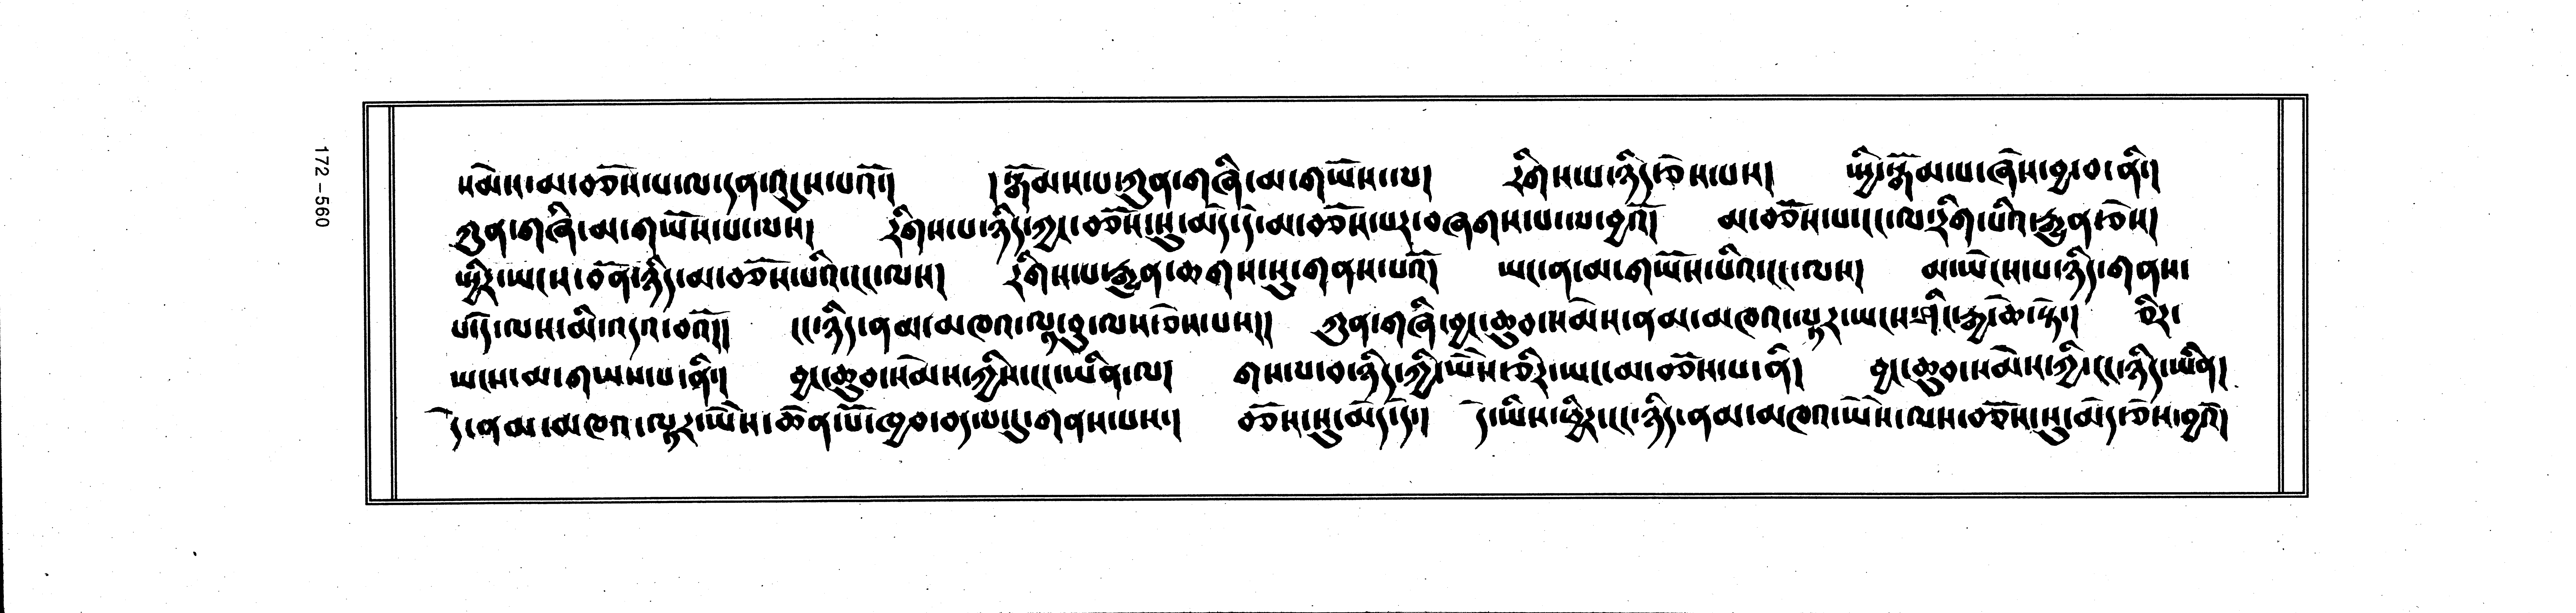སེམས་མ་བཅོས་པ་ལ་དོན་འདུས་པའོ། སྒོམས་པ་ཀུན་གཞི་མ་གཡོས་ལ། རིག་པ་ཉིད་ཅེས་པས། སྤྱི་སྒོམ་པ་ཞེས་བྱ་བ་ནི། 
ཀུན་གཞི་མ་གཡོས་པ་ལས། རིག་པ་ཉིད་ཀྱང་བཅོས་སུ་མེད་དེ་མ་བཅོས་པར་བཞགས་པ་ལ་བྱའོ། མ་བཅོས་པ་ངང་ལ་རིག་པའི་རྒྱུན་ཅེས། 
སྤྱིར་ཡང་བོན་ཉིད་མ་བཅོས་པའི་ངང་ལས། རིག་པ་རྒྱུན་ཆགས་སུ་གནས་པའོ། ཡང་ན་མ་གཡོས་པའི་ངང་ལས། མ་གཡེངས་པ་ཉིད་གནས་
པ་དེ་ལས་མི་འདའ་བའོ། ངང་ཉིད་ནམ་མཁའ་ལྟ་བུ་ལས་ཅེས་པས། ཀུན་གཞི་བྱང་ཆུབ་སེམས་ནམ་མཁའ་ལྟར་ཡངས་ཤིང་རྒྱ་ཆེ་སྟེ། ཅིར་
ཡང་མ་གཡོས་པ་ནི། བྱང་ཆུབ་སེམས་ཀྱིས་ངང་ཡིན་ལ། གསལ་བ་ཉིད་ཀྱིས་ཡེ་ཤེས་ཅིར་ཡང་མ་བཅོས་པ་ནི། བྱང་ཆུབ་སེམས་ཀྱིས་ངང་ཉིད་ཡིན། 
དེ་ནམ་མཁའ་ལྟར་ཡེ་ཤེས་ཆེན་པོ་ཁྱབ་བདལ་དུ་གནས་པས། བཅོས་སུ་མེད་དེ། དེ་ཡིས་ཕྱིར་ངང་ཉིད་ནམ་མཁའ་ཡེ་ཤེས་ལས་བཅོས་སུ་མེད་ཅེས་བྱའོ།